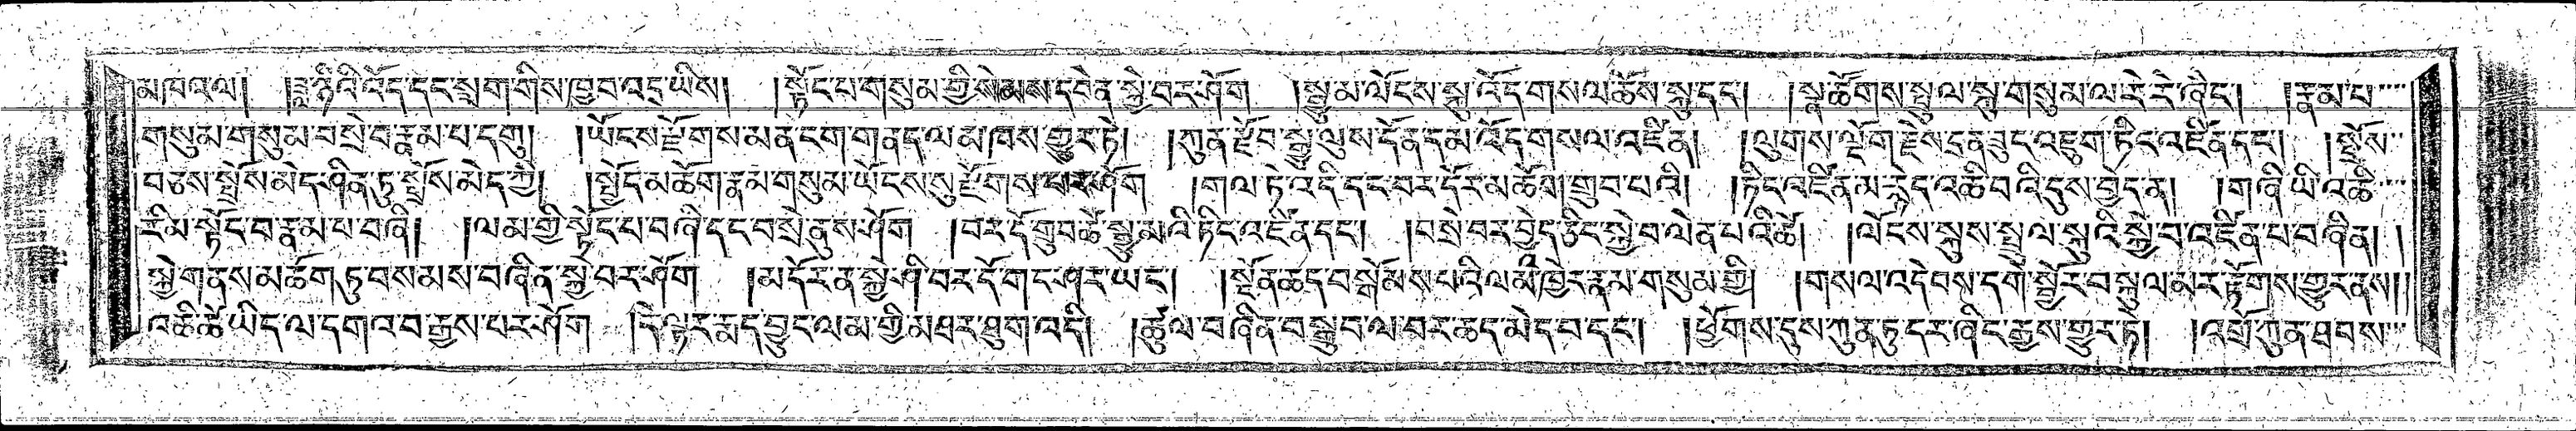མཁའ་ལ། །ཟླ་ཉིའི་འོད་དང་སྨག་གིས་ཁྱབ་འདྲ་ཡིས། །སྟོང་པ་གསུམ་གྱི་སེམས་དབེན་སྐྱེ་བར་ཤོག །སྒྱུ་མ་ལོངས་སྐུ་འོད་གསལ་ཆོས་སྐུ་དང་། །སྣ་ཚོགས་སྤྲུལ་སྐུ་གསུམ་ལ་རེ་རེ་ཞིང་། །རྣམ་པ་
གསུམ་གསུམ་བསྲེ་བ་རྣམ་པ་དགུ། །ཡོངས་རྫོགས་མན་ངག་གནད་ལ་མཁས་གྱུར་ཏེ། །ཀུན་རྫོབ་སྒྱུ་ལུས་དོན་དམ་འོད་གསལ་འཛིན། །ལུགས་ལྡོག་རྗེས་དྲན་ཟུང་འཇུག་ཏིང་འཛིན་དང་། །སྤྲོས་
བཅས་སྤྲོས་མེད་ཤིན་ཏུ་སྤྲོས་མེད་ཀྱི། །སྤྱོད་མཆོག་རྣམ་གསུམ་ཡོངས་སུ་རྫོགས་པར་ཤོག །གལ་ཏེ་འདི་དང་བར་དོར་མཆོག་གྲུབ་པའི། །ཏིང་འཛིན་མ་རྙེད་འཆི་བའི་དུས་བྱེད་ན། །གཞི་ཡི་འཆི་
རིམ་སྟོང་བ་རྣམ་པ་བཞི། །ལམ་གྱི་སྟོང་པ་བཞི་དང་བསྲེ་ནུས་ཤོག །བར་དོ་གྲུབ་ཚེ་སྒྱུ་མའི་ཏིང་འཛིན་དང་། །བསྲེ་བར་བྱེད་ཅིང་སྐྱེ་བ་ལེན་པའི་ཚེ། །ལོངས་སྐུས་སྤྲུལ་སྐུའི་སྐྱེ་བ་འཛིན་པ་བཞིན། །
སྐྱེ་གནས་མཆོག་ཏུ་བསམས་བཞིན་སྐྱེ་བར་ཤོག །མདོར་ན་སྐྱེ་ཤི་བར་དོ་གང་ཤར་ཡང་། །སྔོན་ཆད་བསྒོམས་པའི་ལམ་ཁྱེར་རྣམ་གསུམ་གྱི། །གསལ་འདེབས་དགེ་སྦྱོར་བསྐུལ་མར་རྟོགས་གྱུར་ནས། །
འཆི་ཚེ་ཡིད་ལ་དགའ་བ་རྒྱས་པར་ཤོག །དེ་ལྟར་རྨད་བྱུང་ལམ་གྱི་མཐར་ཐུག་འདི། །ཚུལ་བཞིན་བསྒྲུབ་ལ་བར་ཆད་མེད་པ་དང་། །ཕྱོགས་དུས་ཀུན་ཏུ་དར་ཞིང་རྒྱས་གྱུར་ཏེ། །འགྲོ་ཀུན་ཐབས་